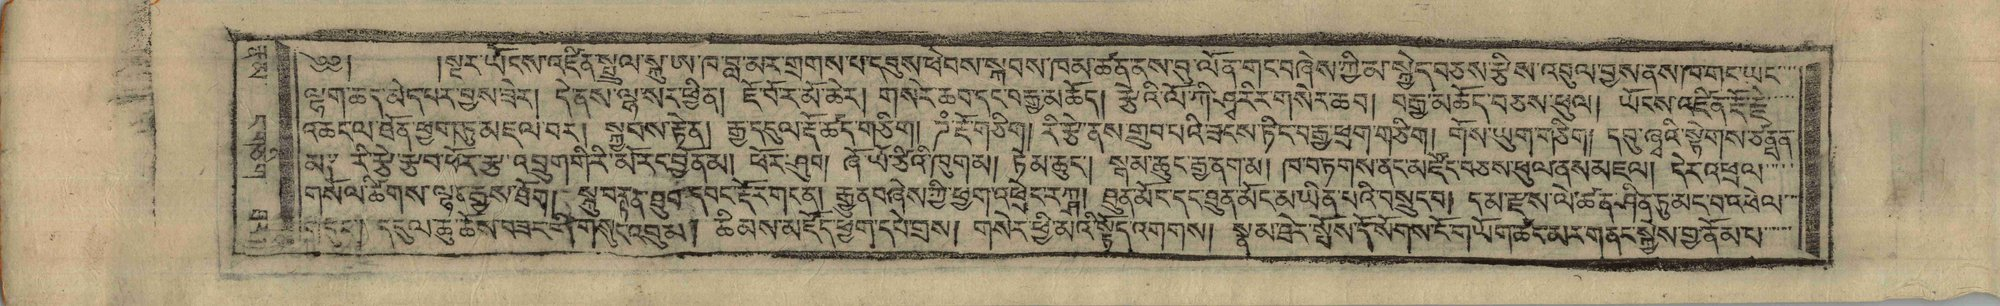༄༅། །སྔར་ཡོངས་འཛིན་སྤྲུལ་སྐུ་ཨ་ཁ་བླ་མར་གྲགས་པ་དབུས་ཕེབས་སྐབས་ཁམ་ཚན་ནས་བུ་ལོན་གང་བཞེས་ཀྱི་མ་སྐྱེད་བཅས་རྩིས་འབུལ་བྱས་ནས་ཁ་གང་ཡང་
ལྷག་ཆད་མེད་པར་བྱས་ཟེར། དེ་ནས་ལྷ་སར་ཕྱིན། ཇོ་བོ་ར་མོ་ཆེར། གསེར་ཆབ་དང་བརྒྱ་མཆོད། རྩེའི་ལོ་ཀི་ཤྭ་རིར་གསེར་ཆབ། བརྒྱ་མཆོད་བཅས་ཕུལ། ཡོངས་འཛིན་རྡོ་རྗེ་
འཆང་ལ་ཐོན་ཕྱག་ཏུ་མཇལ་བར། སྐྱབས་རྟེན། རྒྱ་དངུལ་རྡོ་ཚད་གཅིག །ཌཾ་རྔོ་གཅིག །རི་རྩེ་ནས་གྲུབ་པའི་ཟངས་ཏིང་བརྒྱ་ཕྲག་གཅིག །གོས་ཡུག་གཅིག །དབུ་ཞྭའི་སྟེགས་ཙནྡན་
མ། རི་རྩེ་རྩབ་ཕོར་རྩ་འབྲུག་གི་རི་མོ་རང་བྱོན་མ། ཕོར་ཤུབ། ཞོ་ཡོ་ཙིའི་ཁུག་མ། ཏེམ་ཆུང་། སྒམ་ཆུང་རྒྱ་ནག་མ། ཁ་བཏགས་ནང་མཛོད་བཅས་ཕུལ་ནས་མཇལ། དེར་འཕྲལ་
གསོལ་ཚིགས་ལྷན་རྒྱས་ཐོག །སྐུ་བརྙན་ཐུབ་དབང་རྡོར་གང་ན། རྒྱུན་བཞེས་ཀྱི་ཕྱག་འཕྲེང་རཀྴ། ཐུན་མོང་དང་ཐུན་མོང་མ་ཡིན་པའི་བསྲུང་བ། དམ་རྫས་ལེ་ཚན་ཤིན་ཏུ་མང་བ་འཕེལ་
གདུང་། དངུལ་ཆུ་ཆོས་བཟང་གི་གསུང་འབུམ། ཆིམས་མཛོད་ཕྱག་དཔེ་གྲས། གསེར་ཕྱི་མའི་སྟོད་འགགས། སྣམ་ཐེར་སྤོས་དོ་སོགས་ངོ་གཡོག་ཚང་མར་གནང་སྐྱེས་གྱ་ནོམ་པ་